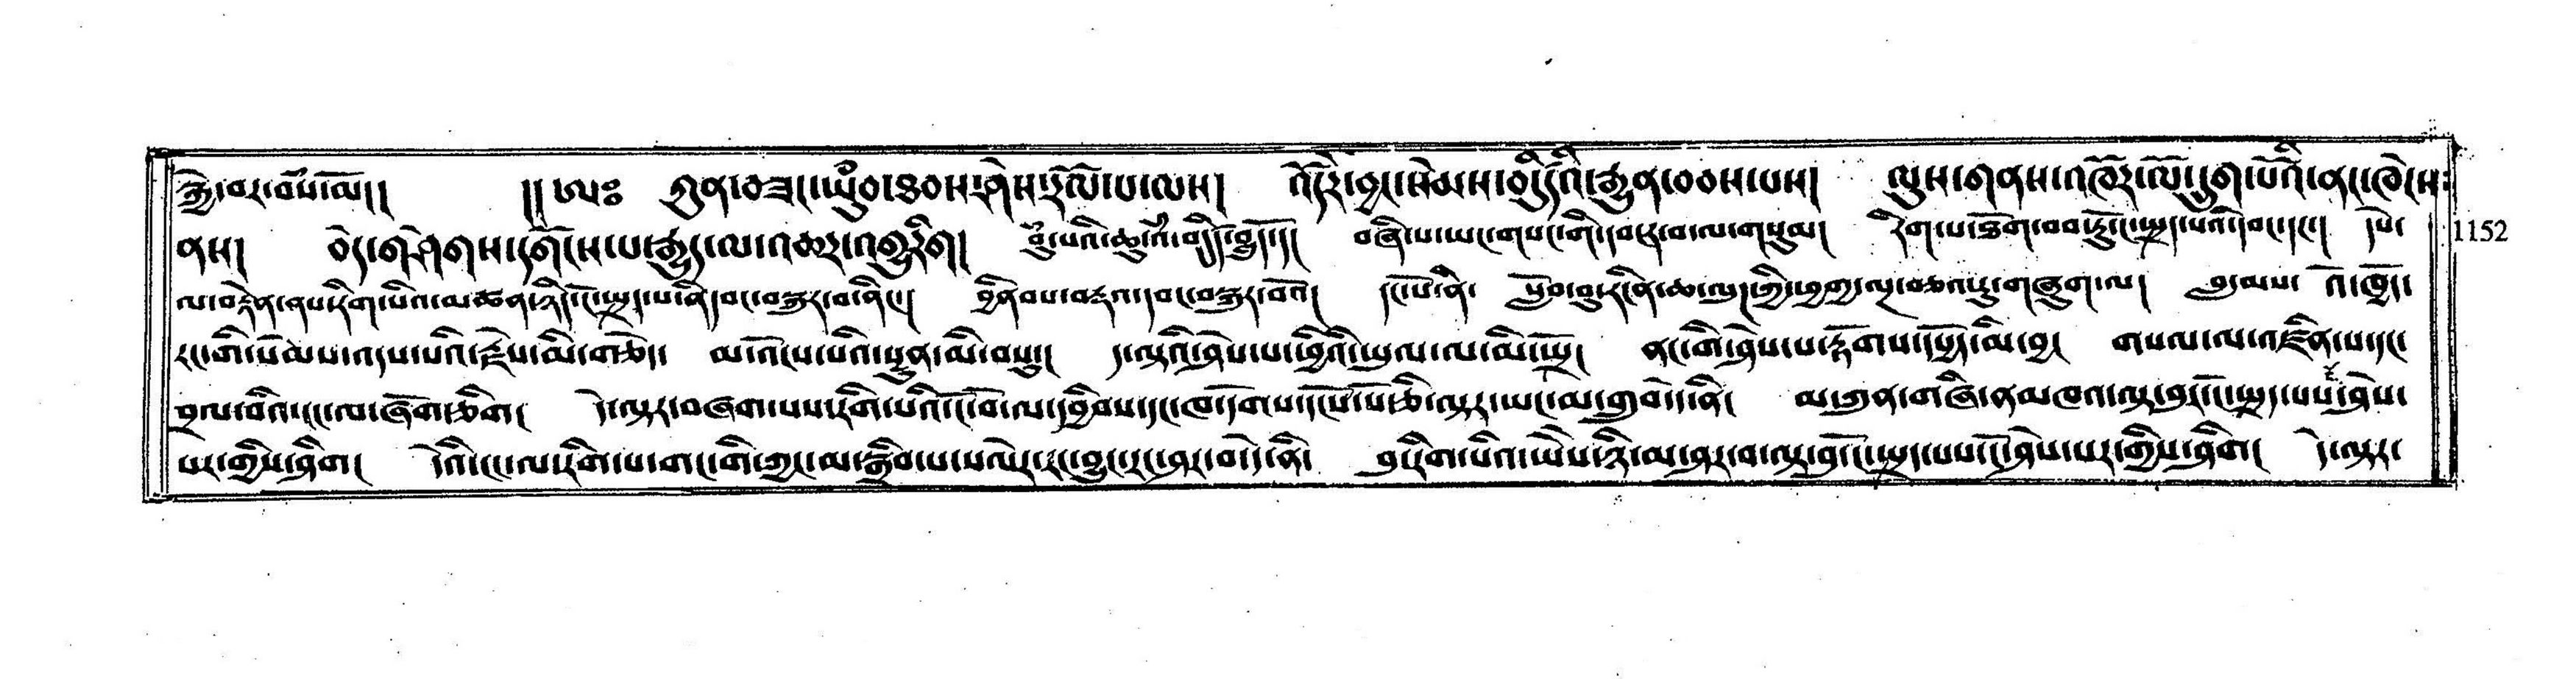སྐྱེ་བར་བསམ་མོ།། །།ཨཿ ཀུན་བཟང་ཡབ་ཡུམ་ཐབས་ཤེས་རོལ་པ་ལས། འོད་ཟེར་བྱང་སེམས་བདུད་རྩིའི་རྒྱུན་བབས་པས། ལུས་གནས་འཁོར་ལོ་དྲུག་པོའི་ནང་ཁེངས་
ནས། བདེ་གཤེགས་དགོངས་པ་རྒྱུད་ལ་འཆར་འགྱུར་ཅིག བུམ་པའི་ཆུ་འམ་བདུད་རྩི་བླུད་དོ། བཞི་པ་ཡང་གསང་གི་དབང་བསྐུར་བ་ལ་གསུམ། རིག་པ་ཐོག་བབ་ཏུ་ངོ་སྤྲད་པའི་དབང་དང་། དཔེ་
ལ་བརྟེན་ནས་རིག་པའི་མཚན་ཉིད་ངོ་སྤྲད་པ་ནི་དབང་བསྐུར་བ་ནི།། བྱིན་རླབས་བརྡའ་དབང་བསྐུར་བའོ། དང་པོ་ནི་སློབ་བུ་རང་བཞིན་ཆ་ལུགས་ཀྱི་ཕྱག་རྒྱ་ལྔ་བཅའ་རུ་གཞུག་ལ། བླ་མས་འོ་ཁྱོད་
རང་གི་སེམས་འདས་པའི་རྗེས་མི་གཅོད་མ་འོངས་པའི་སྔུན་མི་བསུ། ད་ལྟའི་ཤེས་པ་ཕྱིའི་ཡུལ་ལ་མི་སྤྲོ། ནང་གི་ཤེས་པ་རྟོག་དཔྱོད་མི་བྱ། གསལ་ལ་འཛིན་པ་དང་
བྲལ་བའི་ངང་ལ་ཞོག་ཅིག དེ་ལྟར་བཞག་པས་རིག་པའི་ངོ་བོ་ལ་དབྱིབས་དང་ཁ་དོག་དངོས་པོ་ཅི་ལྟར་ཡང་མ་གྲུབ་པ་དེ་ནི། མ་ཀུན་གཞི་ནམ་མཁའ་ལྟ་བུར་ངོ་སྤྲད་པས་ངོ་ཤེས་
པར་གྱིས་ཤིག དེའི་ངང་ལ་རིག་པ་གང་གི་ཀྱང་མ་སྒྲིབ་པ་ས་ལེར་རང་བྱུང་རང་ཤར་བ་དེ་ནི། བུ་རིག་པའི་ཡེ་ཤེས་ཉི་མ་ཤར་བ་ལྟ་བུ་ངོ་སྤྲད་པས་ངོ་ཤེས་པར་གྱིས་ཤིག དེ་ལྟར་